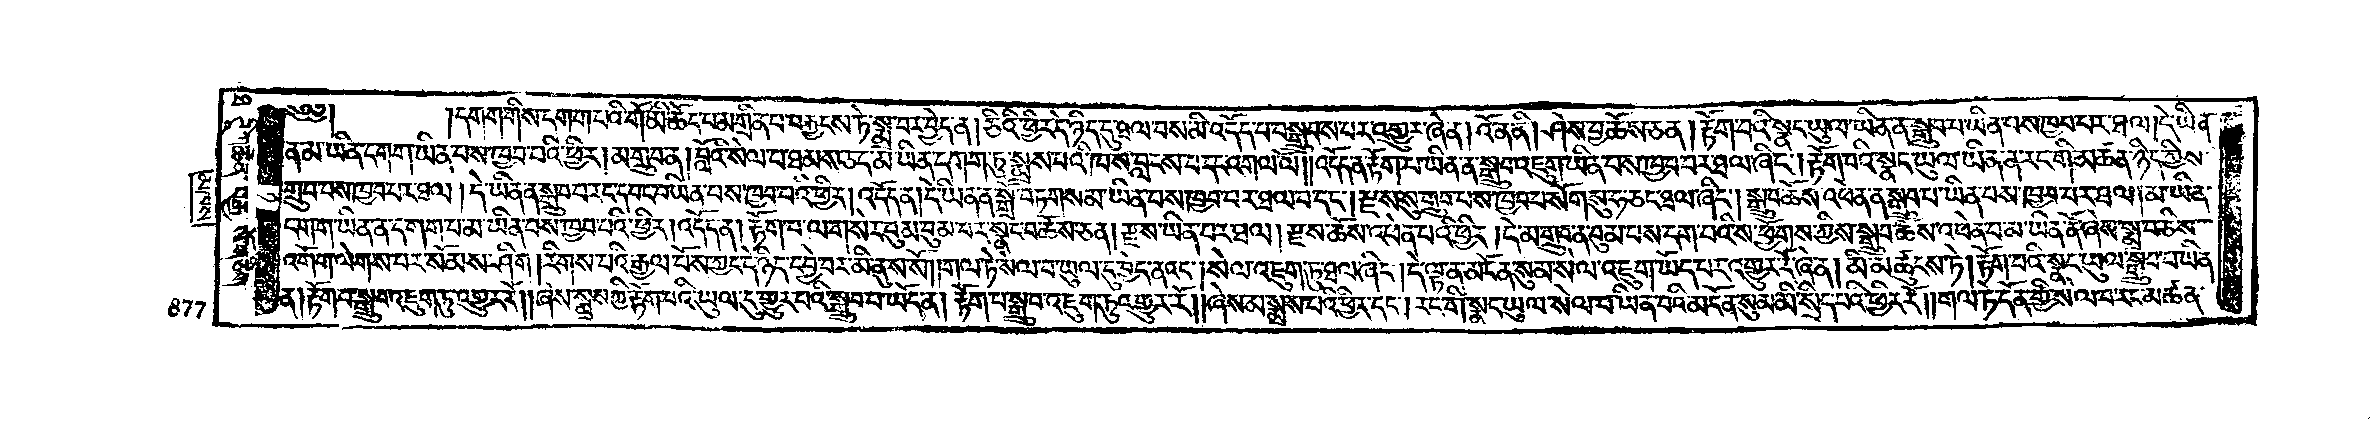༄༅། །དགག་གིས་དགག་པའི་གོ་མི་ཆོད་པ་མགྲིན་པ་བརྐྱངས་ཏེ་སྨྲ་བར་བྱེད་ན། ཅིའི་ཕྱིར་དེ་ཉིད་དུ་ཐལ་བས་མི་འདོད་པ་བསྒྲུབས་པར་འགྱུར་ཞེ་ན། འོ་ན་ནི། ཤེས་བྱ་ཆོས་ཅན། རྟོག་པའི་སྣང་ཡུལ་ཡིན་ན་སྒྲུབ་པ་ཡིན་པས་ཁྱབ་པར་ཐལ། དེ་ཡིན་
ན་མ་ཡིན་དགག་ཡིན་པས་ཁྱབ་པའི་ཕྱིར། མ་གྲུབ་ན། བློའི་སེལ་བ་ཐམས་ཅད་མ་ཡིན་དགག་ཏུ་སྨྲས་པའི་ཁས་བླངས་པ་དང་འགལ་ལོ། །འདོད་ན་རྟོག་པ་ཡིན་ན་སྒྲུབ་འཇུག་ཡིན་པས་ཁྱབ་པར་ཐལ་ཞིང་། རྟོག་པའི་སྣང་ཡུལ་ཡིན་ན་རང་གི་མཚན་ཉིད་ཀྱིས་
གྲུབ་པས་ཁྱབ་པར་ཐལ། དེ་ཡིན་ན་སྒྲུབ་པ་རང་དབང་བ་ཡིན་པས་ཁྱབ་པའི་ཕྱིར། འདོད་ན། དེ་ཡིན་ན་སྒྲོ་བཏགས་མ་ཡིན་པས་ཁྱབ་པར་ཐལ་བ་དང་། རྫས་སུ་གྲུབ་པས་ཁྱབ་པ་སོགས་སུ་ཧ་ཅང་ཐལ་ཞིང་། སྒྲུབ་ཆོས་འཕེན་ན་སྒྲུབ་པ་ཡིན་པས་ཁྱབ་པར་ཐལ། མ་ཡིན་
དགག་ཡིན་ན་དགག་པ་མ་ཡིན་པས་ཁྱབ་པའི་ཕྱིར། འདོད་ན། རྟོག་པ་ལ་གསེར་བུམ་བུམ་པར་སྣང་བ་ཆོས་ཅན། རྫས་ཡིན་པར་ཐལ། རྫས་ཆོས་འཕེན་པའི་ཕྱིར། དེ་མ་གྲུབ་ན་བུམ་པས་དག་པའི་ས་ཕྱོགས་ཀྱིས་སྒྲུབ་ཆོས་འཕེན་པ་མ་ཡིན་ནོ་ཞེས་སྨྲ་བ་ཅིས་
འགོག་ལེགས་པར་སོམས་ཤིག། རིགས་པའི་རྒྱལ་པོས་ཀྱང་དེ་ཉིད་དབེ་བར་མི་ནུས་སོ། །གལ་ཏེ་སེལ་བ་ཡུལ་དུ་བྱེད་ནའང་། སེལ་འཇུག་ཏུ་ཐལ་ཞིང་། དེ་ལྟ་ན་མངོན་སུམ་སེལ་འཇུག་ཡོད་པར་འགྱུར་རོ་ཞེ་
ན༑ རྟོག་པ་སྒྲུབ་འཇུག་ཏུ་འགྱུར་རོ། །ཞེས་སྨྲས་ཀྱི་རྟོག་པའི་ཡུལ་དུ་གྱུར་པའི་སྒྲུབ་པ་ཡོད་ན། རྟོག་པ་སྒྲུབ་འཇུག་ཏུ་འགྱུར་རོ། །ཞེས་མ་སྨྲས་པའི་ཕྱིར་དང་། རང་གི་སྣང་ཡུལ་སེལ་བ་ཡིན་པའི་མངོན་སུམ་མི་སྲིད་པའི་ཕྱིར་རོ། །གལ་ཏེ་དོན་གྱི་སེལ་བ་རང་མཚན་